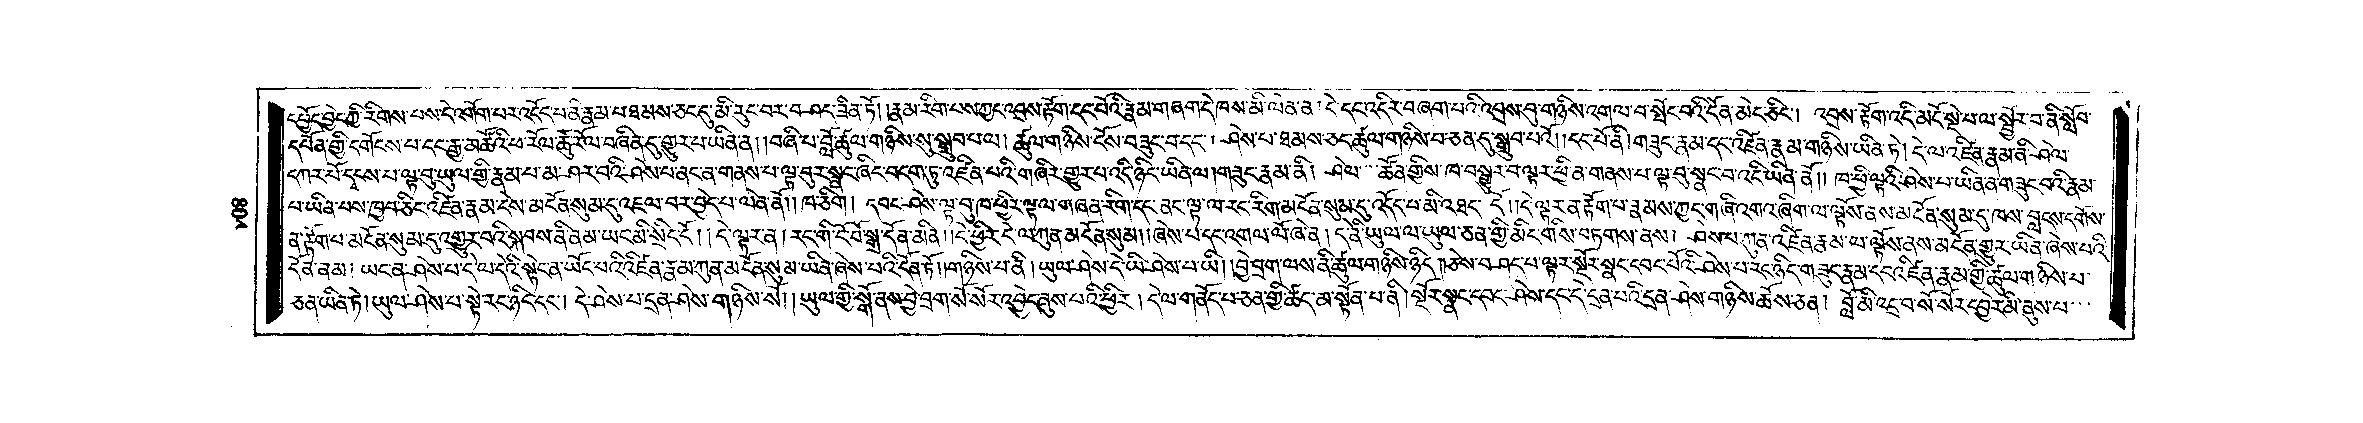དཔྱོད་བྱེད་ཀྱི་རིགས་པས་དེ་འགོག་པར་འདོད་པ་ནི་རྣམ་པ་ཐམས་ཅད་དུ་མི་རུང་བར་བཤད་ཟིན་ཏོ། །རྣམ་རིག་པས་ཀྱང་འབྲས་རྟོག་དང་པོའི་རྣམ་གཞག་དེ་ཁས་མི་ལེན་ན། དེ་དང་འདིར་བཞག་པའི་འབྲས་བུ་གཉིས་འགལ་བ་སྤོང་བའི་དོན་མེད་ཅིང་། འབྲས་རྟོག་འདི་མདོ་སྡེ་པ་ལ་སྦྱོར་བ་ནི་སློབ་
དཔོན་གྱི་དགོངས་པ་དང་རྒྱ་མཚོའི་ཕ་རོལ་ཚུ་རོལ་བཞིན་དུ་གྱུར་པ་ཡིན་ན། །བཞི་པ་བློ་ཚུལ་གཉིས་སུ་སྒྲུབ་པ་ལ། ཚུལ་གཉིས་ངོས་བཟུང་བ་དང་། ཤེས་པ་ཐམས་ཅད་ཚུལ་གཉིས་པ་ཅན་དུ་སྒྲུབ་པའོ། །དང་པོ་ནི། གཟུང་རྣམ་དང་འཛིན་རྣམ་གཉིས་ཡིན་ཏེ། དེ་ལ་འཛིན་རྣམ་ནི་ཤེལ་
དཀར་པོ་དྭངས་པ་ལྟ་བུ་ཡུལ་གྱི་རྣམ་པ་མ་ཤར་བའི་ཤེས་པ་ནང་ན་གནས་པ་ལྟ་བུར་སྣང་ཞིང་བདག་ཏུ་འཛིན་པའི་གཞིར་གྱུར་པ་འདི་ཉིད་ཡིན་ལ། གཟུང་རྣམ་ནི། ཤེལ་ཚོན་གྱིས་ཁ་བསྒྱུར་བ་ལྟར་ཕྱི་ན་གནས་པ་ལྟ་བུ་སྣང་བ་འདི་ཡིན་ནོ། །ཁ་ཕྱི་ལྟའི་ཤེས་པ་ཡིན་ན་གཟུང་བའི་རྣམ་
པ་ཡིན་པས་ཁྱབ་ཅིང་འཛིན་རྣམ་དེས་མངོན་སུམ་དུ་འཇལ་བར་བྱེད་པ་ལེན་ནོ། །ཁ་ཅིག །དབང་ཤེས་ལྟ་བུ་ཁ་ཕྱིར་ལྟ་ལ་གཞན་རིག་དང་ནང་ལྟ་ལ་རང་རིག་མངོན་སུམ་དུ་འདོད་པ་མི་འཐད་དོ། །དེ་ལྟར་ན་རྟོག་པ་རྣམས་ཀྱང་གཞི་འགའ་ཞིག་ལ་ལྟོས་ནས་མངོན་སུམ་དུ་ཁས་བླངས་དགོས་
ན་རྟོག་པ་མངོན་སུམ་དུ་འགྱུར་བའི་སྐབས་ནི་ནམ་ཡང་མི་སྲིད་དོ། །དེ་ལྟར་ན། རང་གི་ངོ་བོ་སྒྲ་དོན་མིན། །དེ་ཕྱིར་དེ་ལ་ཀུན་མངོན་སུམ། །ཞེས་པ་དང་འགལ་ལོ་ཞེ་ན། དེ་ནི་ཡུལ་ལ་ཡུལ་ཅན་གྱི་མིང་གིས་བཏགས་ནས། ཤེས་པ་ཀུན་འཛིན་རྣམ་ལ་ལྟོས་ནས་མངོན་གྱུར་ཡིན་ཞེས་པའི་
དོན་ནམ། ཡང་ན་ཤེས་པ་དེ་ལ་དེའི་སྟེང་ན་ཡོད་པའི་འཛིན་རྣམ་ཀུན་མངོན་སུམ་ཡིན་ཞེས་པའི་དོན་ཏོ། །གཉིས་པ་ནི། ཡུལ་ཤེས་དེ་ཡི་ཤེས་པ་ཡི། །བྱེ་བྲག་ལས་ནི་ཚུལ་གཉིས་ཉིད། །ཅེས་བཤད་པ་ལྟར་སྔོར་སྣང་དབང་པོའི་ཤེས་པ་རང་ཉིད་གཟུང་རྣམ་དང་འཛིན་རྣམ་གྱི་ཚུལ་གཉིས་པ་
ཅན་ཡིན་ཏེ། ཡུལ་ཤེས་པ་སྟེ་རང་ཉིད་དང་། དེ་ཤེས་པ་དྲན་ཤེས་གཉིས་སོ། །ཡུལ་གྱི་སྒོ་ནས་བྱེ་བྲག་སོ་སོར་འབྱེད་ནུས་པའི་ཕྱིར། དེ་ལ་གནོད་པ་ཅན་གྱི་ཚད་མ་སྟོན་པ་ནི། སྔོར་སྣང་དབང་ཤེས་དང་དེ་དྲན་པའི་དྲན་ཤེས་གཉིས་ཆོས་ཅན། བློ་མི་འདྲ་བ་སོ་སོར་དབྱེར་མི་ནུས་པ་